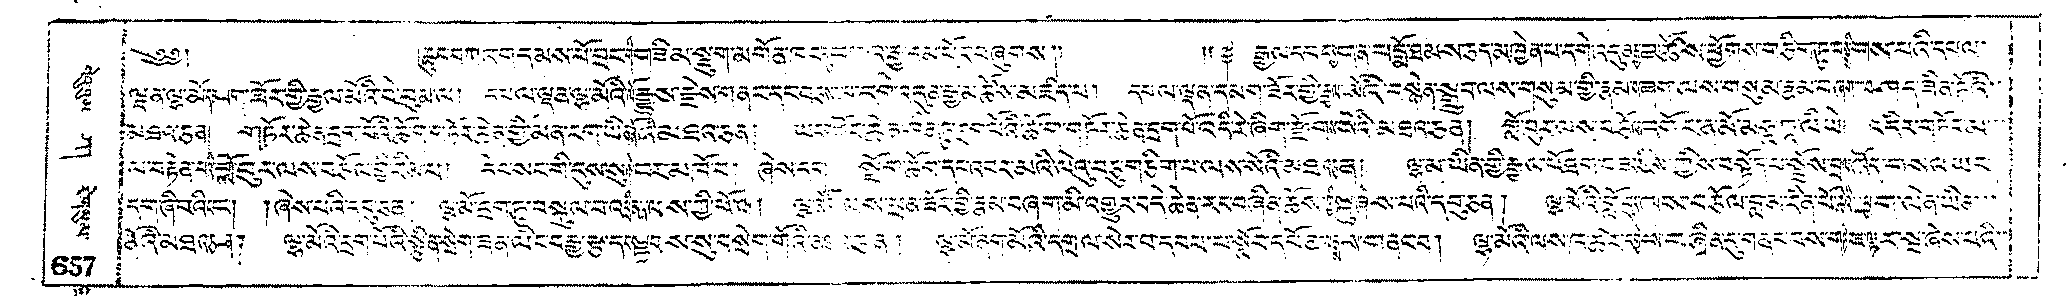༄༅། །ཆུང་བཀའ་གདམས་ཕོ་བྲང་གི་གཟིམ་སྦུག་མགོན་ཁང་དུ་བཀའ་རྒྱ་དམ་པོར་བཞུགས།། །།འ་རྒྱལ་དབང་ཕྱག་ན་པདམོ་ཐམས་ཅད་མཁྱེན་པ་དགེ་འདུན་རྒྱ་མཚོས་ཕྱོགས་གཅིག་ཏུ་བསྒྲིགས་པའི་དཔལ་
ལྡན་ལྷ་མོ་དམག་ཟོར་གྱི་རྒྱལ་མོའི་བེ་བུམ་ལ། དཔལ་ལྡན་ལྷ་མོའི་ལོ་རྒྱུས་རྗེས་གནང་དང་བཅས་པ་དགེ་འདུན་རྒྱ་མཚོས་མཛད་པ། དཔལ་ལྡན་དམག་ཟོར་གྱི་རྒྱལ་མོའི་བསྙེན་སྒྲུབ་ལས་གསུམ་གྱི་རྣམ་བཞག་ལས་གསུམ་རྣམ་བཞག་བཤད་ཟིན་ཏོའི་
མཐའ་ཅན། གཏོར་ཆེན་དྲག་པོའི་ཆོ་ག་གཏོར་ཆེན་གྱི་མན་ངག་ཡིན་ནོའི་མཐའ་ཅན། ཡང་གཏོར་ཆེན་ཤིན་ཏུ་དྲག་པོའི་ཆོ་ག་གཏོར་ཆེན་དྲག་པོ་འདི་རེ་ཞིག་རྫོགས་སོའི་མཐའ་ཅན། གློ་བུར་ལས་བཅོལ་འགོར་ན་མོ་མཧཱ་ཀཱ་ལི་ཡེ། འདིར་གཏོར་མ་
ལ་བརྟེན་པའི་གློ་བུར་ལས་བཅོལ་གྱི་རིམ་པ། དེང་སང་གི་དུས་སུ་ཉེ་བར་མཁོ་བ། ཞེས་དང་། སྤོག་ཆོག་དང་འབར་མའི་ལེའུ་བཅུ་གཅིག་པ་ལས་སོའི་མཐའ་ཅན། ལྷ་མ་ཡིན་གྱི་རྒྱལ་པོ་ཐག་བཟང་རིས་ཀྱིས་བསྟོད་པ་སྤྲོས་བྲལ་འོད་གསལ་ཡང་
དག་ཞི་བའི་ངང་། །ཞེས་པའི་དབུ་ཅན། ལྷ་མོ་དྲག་ཏུ་བསྐུལ་བ་འཕྲིན་ལས་ཀྱི་ཕོ་ཉ། ལྷ་མོའི་ལས་ཕྲན་ཟོར་གྱི་རྣམ་བཞག་མི་འགྱུར་བདེ་ཆེན་རང་བཞིན་ཆོས་ཀྱི་སྐུ་ཞེས་པའི་དབུ་ཅན། ལྷ་མོའི་གློ་བུར་ལས་བཅོལ་བླ་མ་རིན་པོ་ཆེའི་ཕྱག་ལེན་ཡིན་
ནོའི་མཐའ་ཅན། ལྷ་མོའི་དྲག་པོའི་སྦྱིན་སྲེག་ཟན་ལིང་བརྒྱ་རྩ་དང་སྟབས་སུ་བསྲེག་གོའི་མཐའ་ཅན། ལྷ་མོ་ནག་མོའི་དགྲ་ལ་སེར་བ་དབབ་པ་སློབ་དཔོན་པདམས་གནང་བ། ལྷ་མོའི་ལས་ཁ་ཚར་དགྱེས་བཞིན་དུ་གནང་བས་གཏེར་ལྟར་སྦ་ཞེས་པའི་